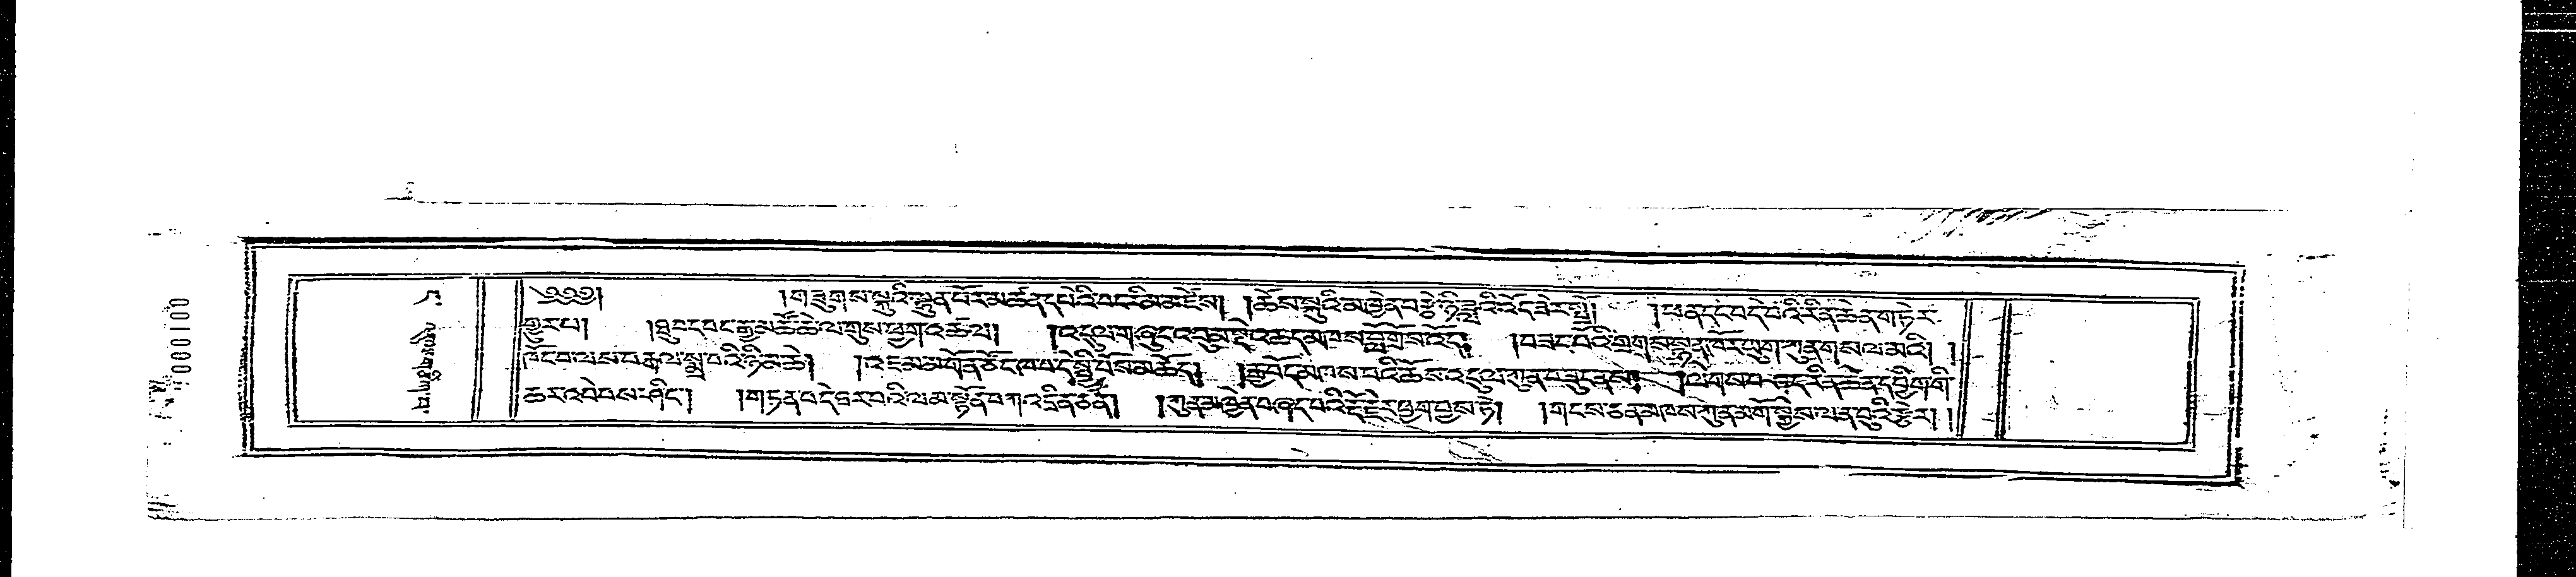༄༅༅། །གཟུགས་སྐུའི་ལྷུན་པོར་མཚན་དཔེའི་བང་རིམ་མཛེས། །ཆོས་སྐུའི་མཁྱེན་བརྩེ་ཉི་ཟླའི་འོད་ཟེར་སྤྲོ། །ཕན་དང་བདེ་བའི་རིན་ཆེན་གཏེར་
གྱུར་པ། །ཐུབ་དབང་རྒྱ་མཚོ་ཆེ་ལ་གུས་ཕྱག་འཚལ། །འདུལ་གཞུང་འབུམ་སྡེ་འཆད་མཁས་བློ་གྲོས་འོད། །བཟང་པོའི་གྲགས་སྙན་ཁོར་ཡུག་ཀུན་གསལ་མའི། །
ཁོང་བ་ལས་བརྒལ་སྨྲ་བའི་ཉི་མ་ཆེ། །འཇམ་མགོན་ཙོང་ཁ་བ་དེ་སྤྱི་བོས་མཆོད། །རྒྱ་བོད་མཁས་པའི་ཆོས་འདུལ་ཀུན་བཟུང་ནས། །ལེགས་བཤད་རིན་ཆེན་དབྱིག་གི་
ཆར་འབེབས་ཤིང་། །གཏན་བདེ་ཐར་པའི་ལམ་སྟོན་བཀའ་དྲིན་ཅན། །ཀུན་མཁྱེན་བཞད་པའི་རྡོ་རྗེར་ཕྱག་བྱས་ཏེ། །གངས་ཅན་མཁས་ཀུན་མགོ་སྐྱེས་ལན་བུའི་རྩེར། །